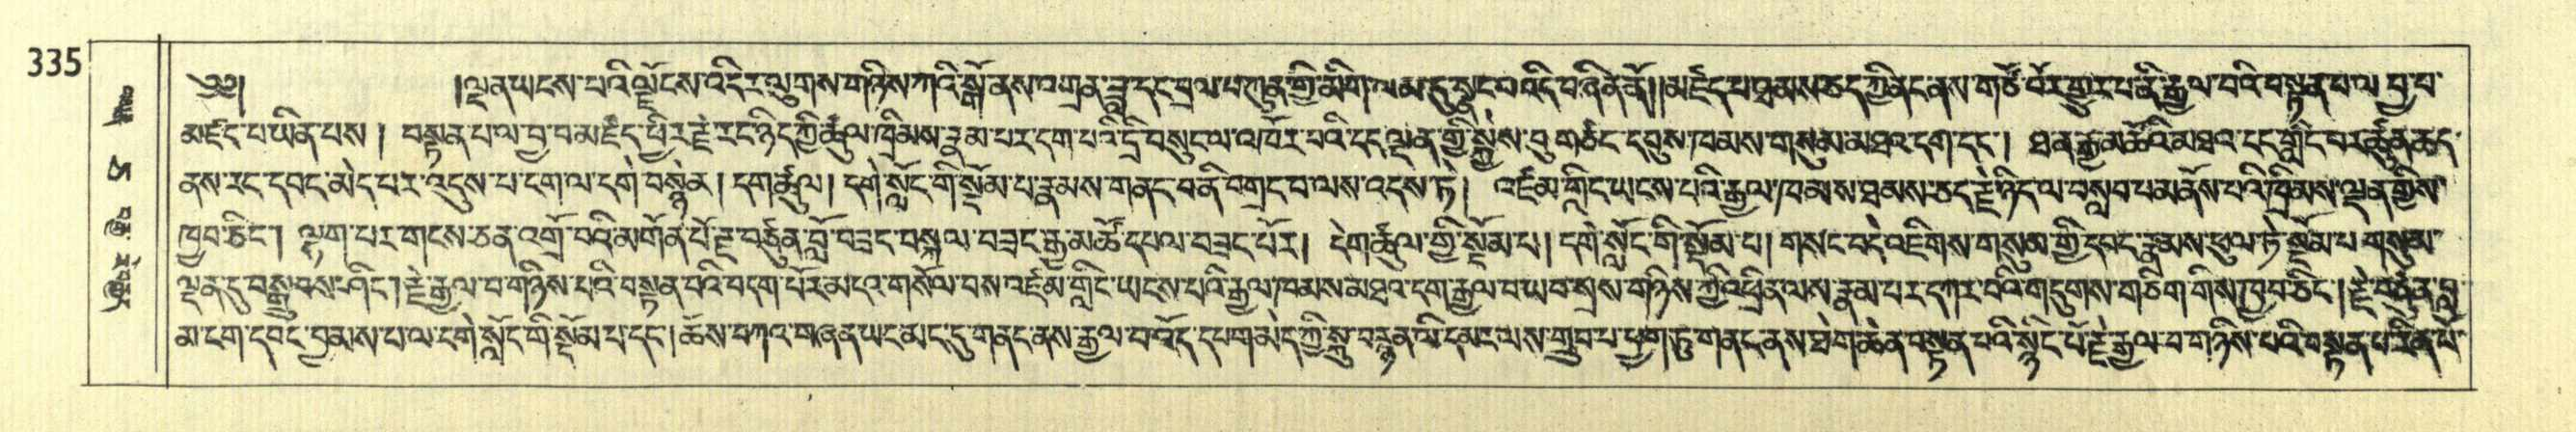༄༅། །ལྡན་ཡངས་པའི་ལྗོངས་འདིར་ལུགས་གཉིས་ཀའི་སྒོ་ནས་བྲན་ཟླ་དང་བྲལ་པ་ཀུན་གྱི་མིག་ལམ་དུ་སྣང་བ་འདི་བཞིན་ནོ། །མཛད་པ་ཐམས་ཅད་ཀྱི་ནང་ནས་གཙོ་བོར་གྱུར་པ་ནི་རྒྱལ་བའི་བསྟན་པ་ལ་བྱ་པ་
མཛད་པ་ཡིན་པས། བསྟན་པ་ལ་བྱ་བ་མཛད་ཕྱིར་རྗེ་རང་ཉིད་ཀྱི་ཚུལ་ཁྲིམས་རྣམ་པར་དག་པའི་དྲི་བསུང་ལ་འཁོར་པའི་དད་ལྡན་གྱི་སྐྱེས་བུ་གཙང་དབུས་ཁམས་གསུམ་མཐའ་དག་དང་། ཐ་ན་རྒྱ་མཚོའི་མཐའ་དང་གླིང་བར་ཚུན་ཆད་
ནས་རང་དབང་མེད་པར་འདུས་པ་ངག་ལ་དགེ་བསྙེན་།དག་ཚུལ། དགེ་སློང་གི་སྡོམ་པ་རྣམས་གནང་བ་ནི་བགྲང་བ་ལས་འདས་ཏེ། འཛམ་གླིང་ཡངས་པའི་རྒྱལ་ཁམས་ཐམས་ཅད་རྗེ་ཉིད་ལ་བསླབ་པ་མནོས་པའི་ཁྲིམས་ལྡན་གྱིས་
ཁྱབ་ཅིང་། ལྷག་པར་གངས་ཅན་འགྲོ་བའི་མགོན་པོ་རྗ་བཙུན་བློ་བཟང་བསྐལ་བཟང་རྒྱ་མཚོ་དཔལ་བཟང་པོར། དགེ་ཚུལ་གྱི་སྡོམ་པ། དགེ་སློང་གི་སྡོམ་པ། གསང་བདེ་འཇིགས་གསུམ་གྱི་དབང་རྣམས་ཕུལ་ཏེ་སྡོམ་པ་གསུམ་
ལྡན་དུ་བསྒྲུབས་ཤིང་། རྗེ་རྒྱལ་བ་གཉིས་པའི་བསྟན་པའི་བདག་པོར་མདའ་གསོལ་བས་འཛམ་གླིང་ཡངས་པའི་རྒྱལ་ཁམས་མཐའ་དག་རྒྱལ་བ་ཡབ་སྲས་གཉིས་ཀྱི་འཕྲིན་ལས་རྣམ་པར་དཀར་བའི་གདུགས་གཅིག་གིས་ཁྱབ་ཅིང་། རྗེ་བཙུན་བླ་
མ་ངག་དབང་བྱམས་པ་ལ་དགེ་སློང་གི་སྡོམ་པ་དང་། ཆོས་བཀའ་གཞན་ཡང་མང་དུ་གནང་ནས་རྒྱལ་བ་འོད་དཔག་མེད་ཀྱི་སྐུ་བརྙན་ལི་དམར་ལས་གྲུབ་པ་ཕྱག་ཏུ་གནང་ནས་ཐེག་ཆེན་བསྟན་པའི་སྙིང་པོ་རྗེ་རྒྱལ་བ་གཉིས་པའི་བསྟན་པ་རིན་པོ་